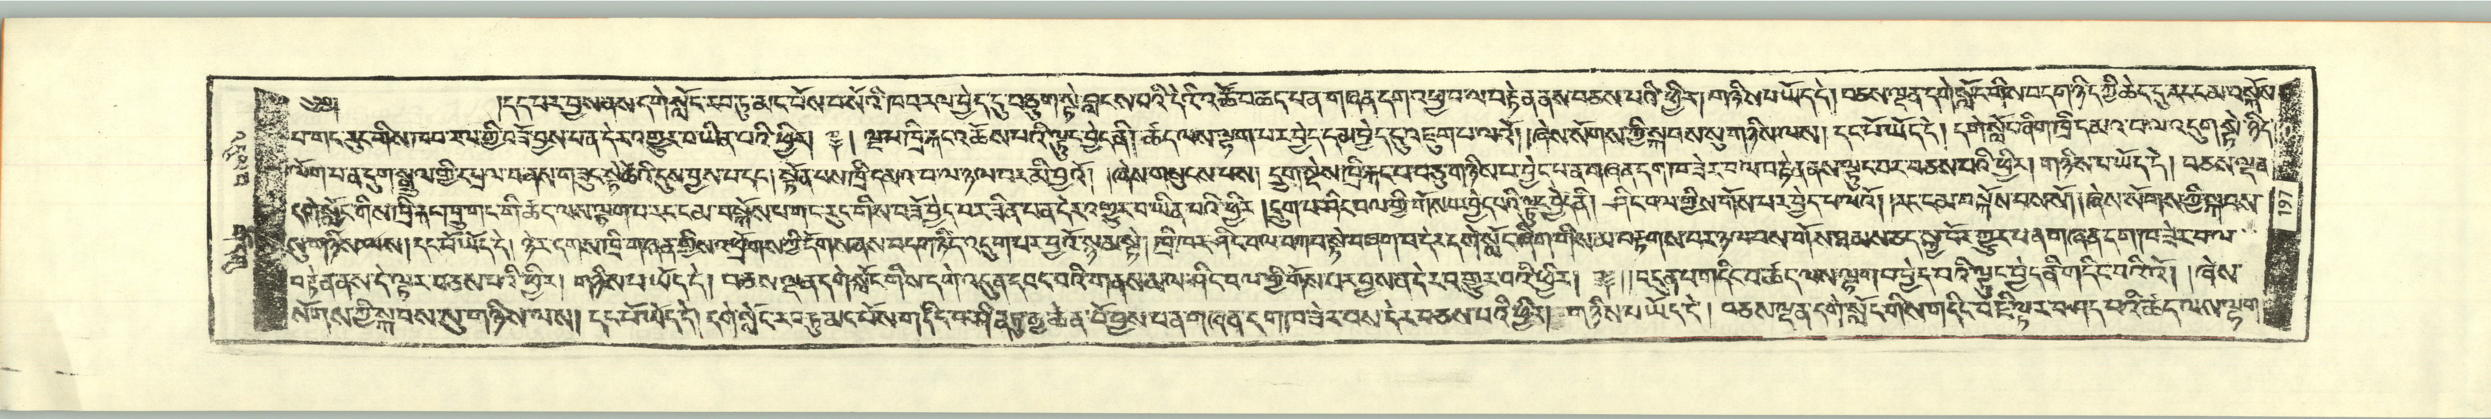༄༅། །དད་པར་བྱས་ནས་དགེ་སློང་རབ་ཏུ་མང་པོས་བ་སོའི་ཁབ་རལ་བྱེད་དུ་བཅུག་སྟེ་བླངས་པའི་དེའི་འཚོ་བ་ཆད་པ་ན་གཞན་དག་འཕྱ་བ་ལ་བརྟེན་ནས་བཅས་པའི་ཕྱིར། གཉིས་པ་ཡོད་དེ། བཅས་ལྡན་དགེ་སློང་གིས་བདག་ཉིད་ཀྱི་ཆེད་དུ་རང་ངམ་བསྐོས་
པ་གང་རུང་གིས་ཁབ་རལ་གྱི་བཟོ་བྱས་པ་ན་དེར་འགྱུར་བ་ཡིན་པའི་ཕྱིར། ༈ །ལྔ་པ་ཁྲི་རྐང་འཆོས་པའི་ལྟུང་བྱེད་ནི། ཚད་ལས་ལྷག་པར་བྱེད་དམ་བྱེད་དུ་འཇུག་པ་ལའོ། །ཞེས་སོགས་ཀྱི་སྐབས་སུ་གཉིས་ལས། དང་པོ་ཡོད་དེ། དགེ་སློང་ཞིག་ཁྲི་དམའ་བ་ལ་འདུག་སྟེ་ཉིད་
ལོག་པ་ན་དུག་སྒྲུལ་གྱི་དཔྲལ་བ་ནས་གཟུང་སྟེ་ཚེའི་དུས་བྱས་པ་དང་། སྟོན་པས་ཁྲི་དམའ་བ་ལ་ཉལ་བར་མི་བྱའོ། །ཞེས་གསུངས་པས། དྲུག་སྡེས་ཁྲི་རྐང་པ་བཅུ་གཉིས་པ་བྱེད་པ་ན་གཞན་དག་ཁ་ཟེར་བ་ལ་བརྟེན་ནས་ལྟུང་བར་བཅས་པའི་ཕྱིར། གཉིས་པ་ཡོད་དེ། བཅས་ལྡན་
དགེ་སློང་གིས་ཁྲི་རྐང་ཁྲུ་གང་གི་ཚད་ལས་ལྷག་པ་རང་ངམ་བསྐོས་པ་གང་རུང་གིས་བཟོ་བྱེད་བར་ཟིན་པ་ན་དེར་འགྱུར་བ་ཡིན་པའི་ཕྱིར། དྲུག་པ་ཤིང་བལ་གྱི་གོས་པར་བྱེད་པའི་ལྟུང་བྱེད་ནི། ཤིང་བལ་གྱིས་གོས་པར་བྱེད་པ་ལའོ། །རང་ངམ་བསྐོས་པས་སོ། །ཞེས་སོགས་ཀྱི་སྐབས་
སུ་གཉིས་ལས། དང་པོ་ཡོད་དེ། ཉེར་དགས་ཁྲི་གཞན་གྱིས་འཕྲོགས་ཀྱི་དོགས་ནས་བདག་ཉིད་འདུག་པར་བྱའོ་སྙམ་སྟེ། ཁྲི་ཁར་ཤིང་བ་ལ་བཀབ་སྟེ་བཞག་པ་དེར་དགེ་སློང་ཞིག་གིས་མ་བརྟགས་པར་ཉལ་བས་གོས་ཐམས་ཅད་སྐྱ་བོར་གྱུར་པ་ན་གཞན་དག་ཁ་ཟེར་བ་ལ་
བརྟེན་ནས་དེ་ལྟར་བཅས་པའི་ཕྱིར། གཉིས་པ་ཡོད་དེ། བཅས་ལྡན་དགེ་སློང་གིས་དགེ་འདུན་དབང་བའི་གནས་མ་ལ་ཤིང་བ་ལ་གྱི་གོས་པར་བྱས་ན་དེར་འགྱུར་བའི་ཕྱིར། ༈ ། །བདུན་པ་གདིང་བ་ཚད་ལས་ལྷག་པ་བྱེད་པའི་ལྟུང་བྱེད་ནི་གདིང་བའི་འོ། །ཞེས་
སོགས་ཀྱི་སྐབས་སུ་གཉིས་ལས། དང་པོ་ཡོད་དེ། དགེ་སློང་རབ་ཏུ་མང་པོས་གདིང་བ་ཤིན་ཏུ་རྒྱ་ཆེན་པོ་བྱས་པ་ན་གཞན་དག་ཁ་ཟེར་བས་དེར་བཅས་པའི་ཕྱིར། གཉིས་པ་ཡོད་དེ། བཅས་ལྡན་དགེ་སློང་གིས་གདིང་བ་ཇི་ལྟར་བཤད་པའི་ཚད་ལས་ལྷག་